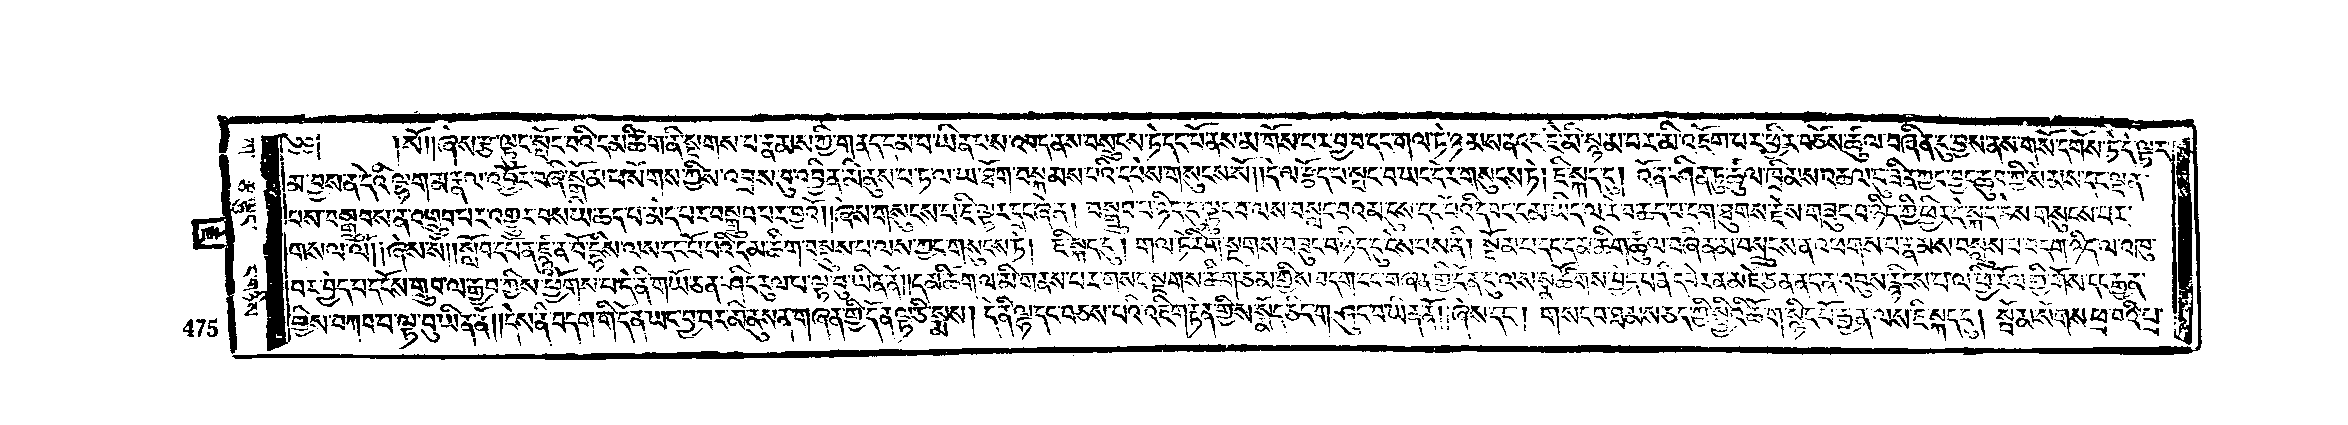༄༅། །སོ། །ཞེས་རྩ་ལྟུང་སྤོང་བའི་དམ་ཚིག་ནི་སྔགས་པ་རྣམས་ཀྱི་གནད་དམ་པ་ཡིན་པས་འབད་ནས་བསྲུངས་ཏེ་དང་པོ་ནས་མ་གོས་པར་བྱ་བ་དང་གལ་ཏེ་ཉམས་ནའང་ཇི་མི་སྙམ་པར་མི་འཇོག་པར་ཕྱིར་བཅོས་ཚུལ་བཞིན་དུ་བྱས་ནས་གསོ་དགོས་ཏེ་དེ་ལྟར་
མ་བྱས་ན་དེའི་ལྷག་མ་རྣལ་འབྱོར་བཞི་སྒོམ་པ་སོགས་ཀྱིས་འབྲས་བུ་འབྱིན་མི་ནུས་པ་ཏ་ལ་ཡ་ཐོག་བསྐམས་པའི་དཔེས་གསུངས་སོ། །དེ་ལ་རྩོད་པ་སྤང་བ་ཡང་དེར་གསུངས་ཏེ། ཇི་སྐད་དུ། འོ་ན་ཤིན་ཏུ་ཚུལ་ཁྲིམས་འཆལ་དུ་ཟིན་ཀྱང་བྱང་ཆུབ་ཀྱི་སེམས་དང་ལྡན་
པས་བསྒྲུབས་ན་འགྲུབ་པར་འགྱུར་བས་ཡི་ཆད་པ་མེད་པར་བསྒྲུབ་པར་བྱའོ། །ཞེས་གསུངས་པ་ཇི་ལྟར་དྲང་ཞེ་ན། བསྒྲུབ་པ་ཉིད་དུ་ལྟུང་བ་ལས་བསླང་བའམ་དུས་དང་པོའི་དབང་དམ་ཡིད་ལ་རེ་བ་ཆད་པ་དག་ཐུགས་རྗེས་གཟུང་བ་ཉིད་ཀྱི་ཕྱིར་དེ་སྐད་ཅེས་གསུངས་པར་
གསལ་ལོ། །ཞེས་སོ། །སློབ་དཔོན་ཛྙཱ་ན་བོ་དྷིས་ལས་དང་པོ་པའི་དམ་ཚིག་བསྡུས་པ་ལས་ཀྱང་གསུངས་ཏེ། ཇི་སྐད་དུ། གལ་ཏེ་རིག་སྔགས་བཟུང་བ་ཉིད་དུ་ངེས་པས་ནི། སྡོམ་པ་དང་དམ་ཚིག་ཚུལ་བཞིན་མ་བསྲུངས་ན་འཕགས་པ་རྣམས་བསླུས་པ་བདག་ཉིད་ལ་འཁུ་
བར་བྱེད་པ་དངོས་གྲུབ་ལ་རྒྱབ་ཀྱིས་ཕྱོགས་པ་དེ་ནི་གཡོ་ཅན་ཤིང་རུལ་པ་ལྟ་བུ་ཡིན་ནོ། །དམ་ཚིག་ལ་མི་གནས་པར་གསང་སྔགས་ཚིག་ཙམ་གྱིས་བདག་དང་གཞན་གྱི་དོན་དུ་ལས་སྣ་ཚོགས་བྱེད་པ་ནི་དཔེར་ན་མཛེ་ཅན་ནད་ན་འབུས་རྙིངས་པ་ལ་ཕྱི་རོལ་གྱི་གོས་དང་རྒྱན་
གྱིས་བཀབ་པ་ལྟ་བུ་ཡིན་ནོ། །དེས་ནི་བདག་གི་དོན་ཡང་བྱ་བར་མི་ནུས་ན་གཞན་གྱི་དོན་ལྟ་ཅི་སྨས། དེ་ནི་ལྷ་དང་བཅས་པའི་འཇིག་རྟེན་གྱིས་སྨོད་ཅིང་གཤུང་བ་ཡིན་ནོ། །ཞེས་དང་། གསང་བ་ཐམས་ཅད་ཀྱི་སྤྱིའི་ཆོ་ག་སྙིང་པོ་རྒྱན་ལས་ཇི་སྐད་དུ། སྦོམ་སོགས་ཕྲ་བའི་པྲ་